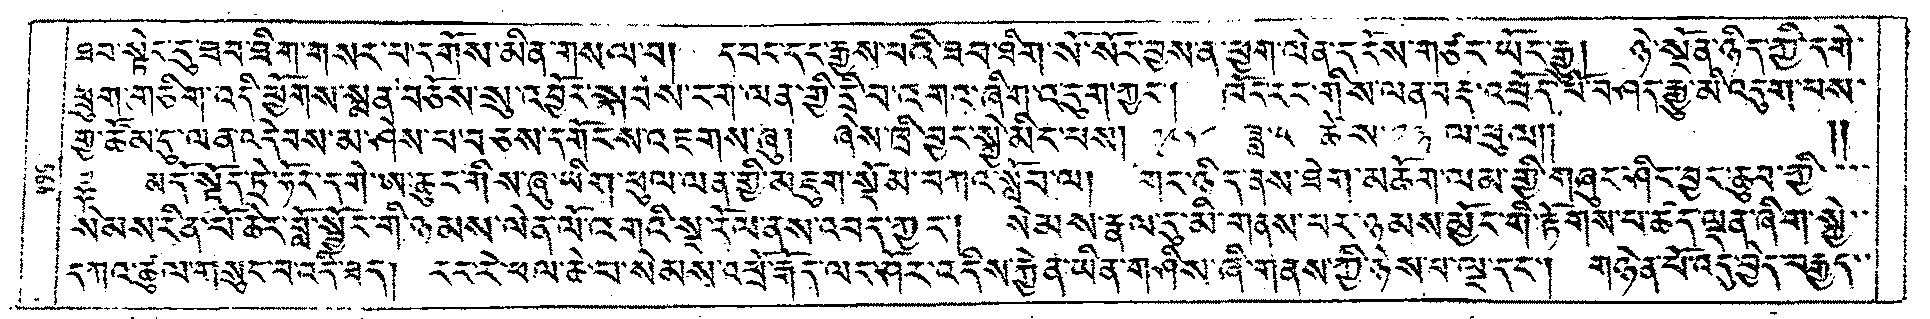ཐབ་སྟེང་དུ་ཐབ་ཐིག་གསར་པ་དགོས་མིན་གསལ་བ། དབང་དང་རྒྱས་པའི་ཐབ་ཐིག་སོ་སོར་བྱས་ན་ཕྱག་ལེན་དངོས་གཙང་ཡོང་རྒྱུ། ཉེ་སྔོན་ཉིད་ཀྱི་དགེ་
ཕྲུག་གཅིག་འདི་ཕྱོགས་སྨན་བཅོས་སུ་འབྱོར་སྐབས་ངག་ལན་གྱི་དྲི་བ་འགའ་ཞིག་འདུག་ཀྱང་། ཁོང་རང་གིས་ལན་བརྡ་འཕྲོད་པོ་བཤད་རྒྱུ་མི་འདུག་པས་
གྱ་ཚོམ་དུ་ལན་འདེབས་མ་ཤེས་པ་བཅས་དགོངས་འཇགས་ཞུ། ཞེས་ཁྲི་བྱང་སྐྱེ་མིང་པས། ༡༩༨༡་ཟླ ༥་ཚེས ༡༣་ལ་ཕུལ།། །།
༈ མདོ་སྟོད་ཏྲེ་ཧོར་དགེ་ཨ་ཆུང་གིས་ཞུ་ཡིག་ཕུལ་ལན་གྱི་མཇུག་སྡོམ་བཀའ་སློབ་ལ། གང་ཉིད་ནས་ཐེག་མཆོག་ལམ་གྱི་གཞུང་ཤིང་བྱང་ཆུབ་ཀྱི་
སེམས་རིན་པོ་ཆེར་བློ་སྦྱོང་གི་ཉམས་ལེན་ལོ་འགའི་སྔ་རོལ་ནས་འབད་ཀྱང་། སེམས་རྣལ་དུ་མི་གནས་པར་ཉམས་མྱོང་གི་རྟོགས་པ་ཚད་ལྡན་ཞིག་སྐྱེ་
དཀའ་ཚུལ་གསུང་བ་འདི་ཐད། རང་རེ་ཕལ་ཆེ་བ་སེམས་འཕྲོ་རྒོད་ལང་ཤོར་འདིས་རྐྱེན་ཡིན་གཤིས་ཞི་གནས་ཀྱི་ཉེས་པ་ལྔ་དང་། གཉེན་པོ་འདུ་བྱེད་བརྒྱད་